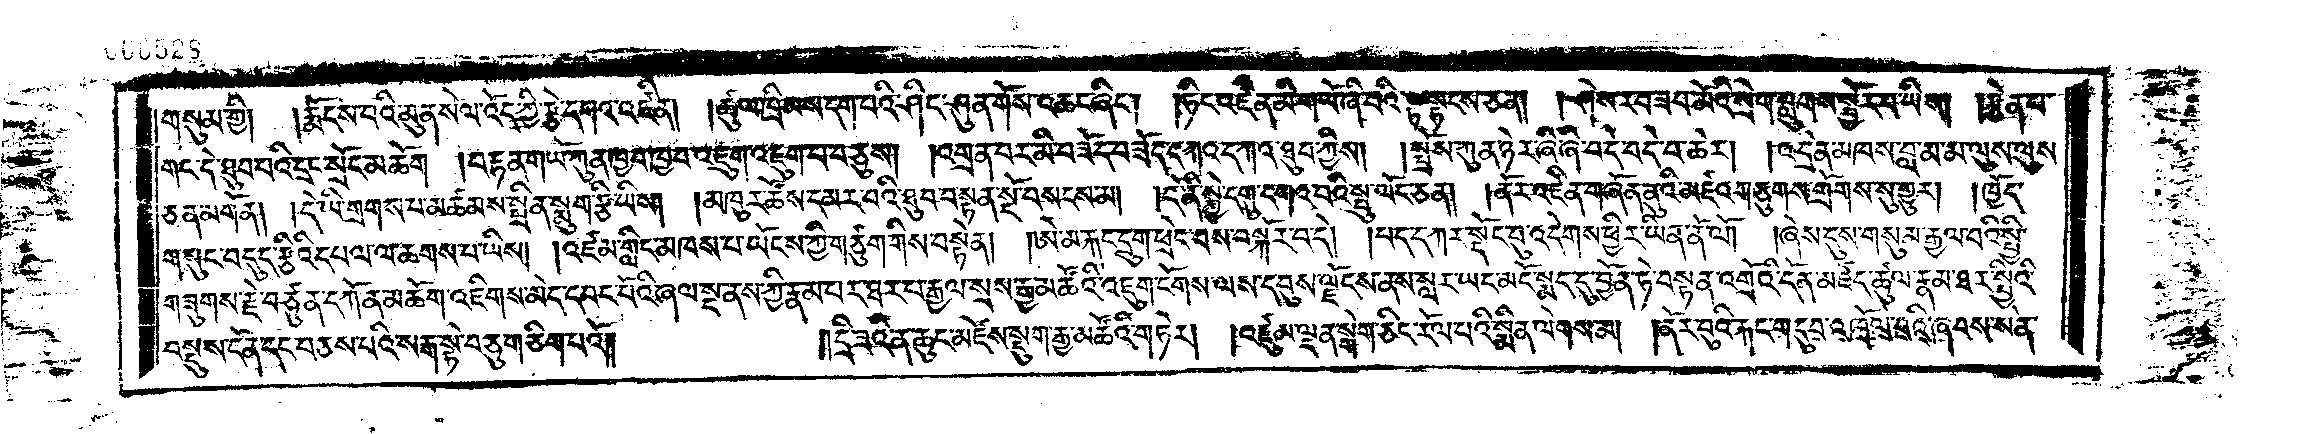གསུམ་གྱི། །རྨོངས་པའི་མུན་སེལ་འོད་ཀྱི་རྩེ་དགའ་འཛིན། །ཚུལ་ཁྲིམས་དག་པའི་ཤིང་ཤུན་གོས་འཆང་ཞིང་། །ཏིང་འཛིན་མི་གཡོ་ཞི་བའི་ལྟ་སྟངས་ཅན། །ཤེས་རབ་ཟབ་མོའི་སྲེག་བླུགས་སྦྱོར་བ་ཡིས། །རྩེན་པ་
གང་དེ་ཐུབ་པའི་དྲང་སྲོང་མཆོག །བརྟན་གཡོ་ཀུན་ཁྱབ་ཁྱབ་འཇུག་འཇུག་པ་བཅུས། །འགྲན་པར་མི་བཟོད་བཟོད་དཀའ་དཀའ་ཐུབ་ཀྱིས། །སྤྲོས་ཀུན་ཉེར་ཞི་ཞི་བདེ་བདེ་བ་ཆེར། །འདྲེན་མཁས་བླ་མ་མ་ལུས་ལུས་
ཅན་མགོན། །དེ་ཡི་གྲགས་པ་མཚམས་སྤྲིན་སྨུག་རྩི་ཡིས། །མཁུར་ཚོས་དམར་བའི་ཐུབ་བསྟན་སྔོ་བསངས་མ། །དེ་ནི་སྐྱེ་དགུ་དགའ་བའི་སྤུ་ལོང་ཅན། །ནོར་འཛིན་གཞོན་ནུའི་མཛའ་གཅུགས་གྲོགས་སུ་གྱུར། །ཁྱོད་
གསུང་བདུད་རྩིའི་དཔལ་ལ་ཆགས་པ་ཡིས། །འཛམ་གླིང་མཁས་པ་ཡོངས་ཀྱི་གཙུག་གིས་བསྟེན། །ཨེ་མ་རྐང་དྲུག་ཕྲེང་བས་བསྐོར་བ་དེ། །པད་དཀར་སྡོང་བུ་འདེགས་ཕྱིར་ཡིན་ནོ་ལོ། །ཞེས་དུས་གསུམ་རྒྱལ་བའི་སྤྱི་
གཟུགས་རྗེ་བཙུན་དཀོན་མཆོག་འཇིགས་མེད་དབང་པོའི་ཞལ་སྔ་ནས་ཀྱི་རྣམ་པར་ཐར་པ་རྒྱལ་སྲས་རྒྱ་མཚོའི་འཇུག་ངོགས་ལས་དབུས་ལྗོངས་ནས་སླར་ཡང་མདོ་སྨད་དུ་བྱོན་ཏེ་བསྟན་འགྲོའི་དོན་མཛད་ཚུལ་རྣམ་ཐར་སྤྱིའི་
བསྡུས་དོན་དང་བཅས་པའི་སརྒ་སྟེ་བཅུ་གཅིག་པའོ།། །།དྲི་ཟའི་ན་ཆུང་མཛེས་སྡུག་རྒྱ་མཚོའི་གཏེར། །འཛུམ་ལྡན་སྒེག་ཅིང་རོལ་པའི་སྨིན་ལེགས་མ། །ནོར་བུའི་རྐང་གདུབ་འཁྲོལ་བའི་ཞབས་སེན་